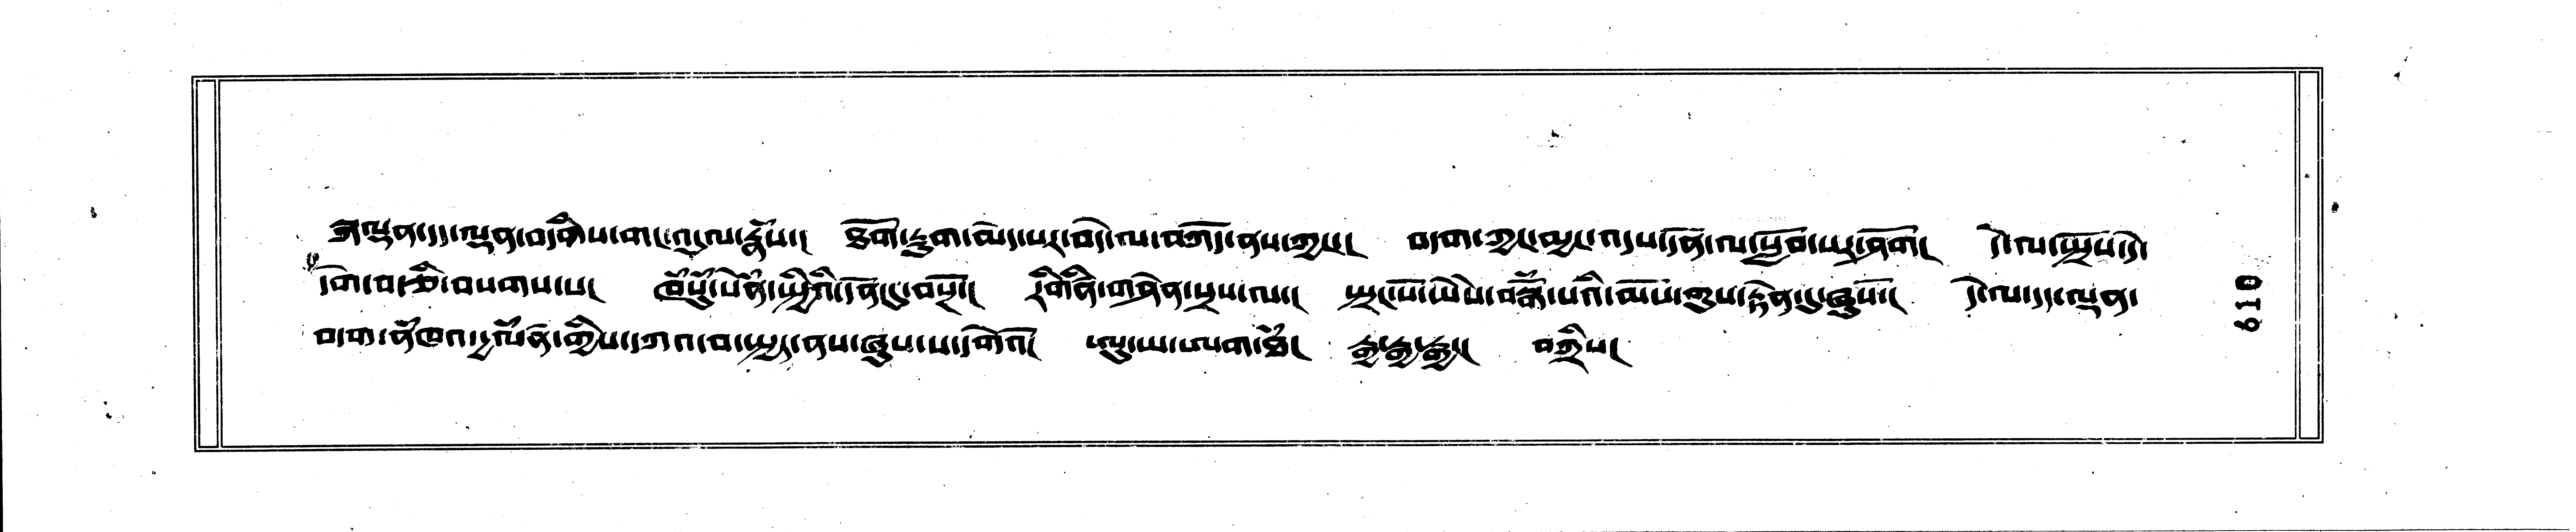སྐལ་ལྡན་བདག་གིས་གང་འདུལ་རྣམས། ཐོག་སྡུག་༼རྡུག༽མེད་པར་བདེ་ལ་འཁོད་ནས་ཀྱང་། བདག་ཀྱང་མྱ་ངན་འདས་པ་སླེབ་པར་ཤོག དེ་ལ་སྤྲོས་སྟེ་
དགེ་བ་ཅི་བསགས་པ། ཁམས་གསུམ་སེམས་ཅན་སྤྱིའི་དོན་དུ་བསྔོ་། “རིག་འཛིན་གཤེན་སྲས་ལ་སྤྲང་པོ་ཡེ་ཤེས་བསྒོམས་པས་མོས་གུས་རྟེན་དུ་ཞུས་སོ། དེ་ལ་དད་ལྡན་
བདག་ནམ་མཁའ་རྒྱལ་མཚན་གྱིས་དཀའ་བ་སྤྱདནས་ཞུས་པ་དག་གོ” ཨུ་ཡཱ། ཨག་ཐམ། རྒྱ་རྒྱ་རྒྱ། བཀྲ་ཤིས།